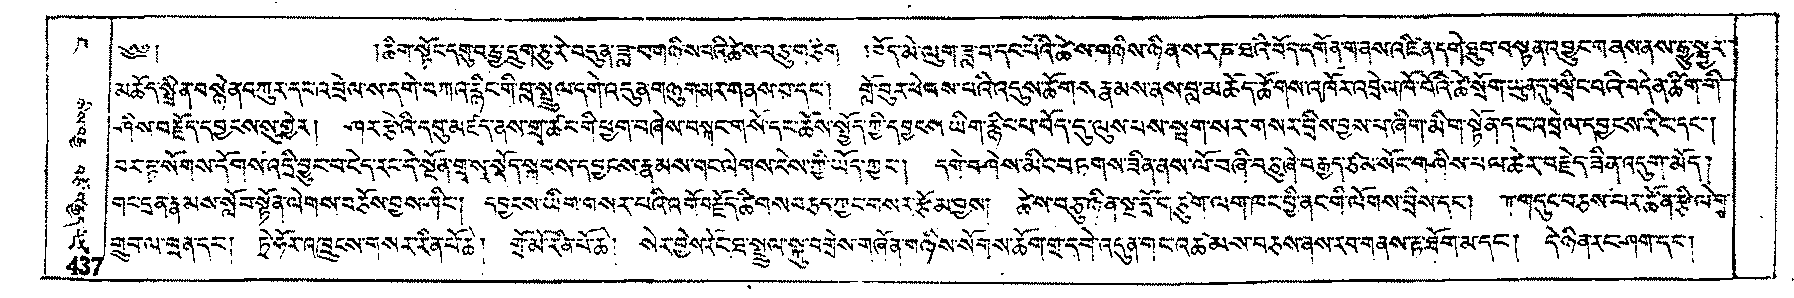༄༅། །ཆིག་སྟོང་དགུ་བརྒྱ་དྲུག་ཅུ་རེ་བདུན་ཟླ་བ་གཉིས་པའི་ཚེས་བཅུ་གཅིག །བོད་མེ་ལུག་ཟླ་བ་དང་པོའི་ཚེས་གཉིས་ཉིན་ས་ར་ཎ་ཐའི་བོད་དགོན་གནས་འཛིན་དགེ་ཐུབ་བསྟན་འབྱུང་གནས་ནས་རྒྱུ་སྦྱར་
མཆོད་སྤྲིན་བསྙེན་བཀུར་དང་འབྲེལ་ས་དགེ་བཀའ་རྙིང་གི་བླ་སྤྲུལ་དགེ་འདུན་གཉུག་མར་གནས་པ་དང་། གློ་བུར་ཕེབས་པའི་འདུས་ཚོགས་རྣམས་ནས་བླ་མཆོད་ཚོགས་འཁོར་འབྲེལ་ཁོ་བོའི་ཚེ་སྲོག་ཡུན་དུ་བསྲིང་བའི་བདེན་ཚིག་གི་
ཤིས་བརྗོད་དབྱངས་སུ་གྱེར། ཤར་རྩེའི་དབུ་མཛད་ནས་གྲྭ་ཚང་གི་ཕྱག་བཞེས་བསྐང་གསོ་དང་ཆོས་སྤྱོད་ཀྱི་དབྱངས་ཡིག་རྙིང་པ་བོད་དུ་ལུས་པས་སྦག་སར་གསར་བྲིས་བྱས་པ་ཞིག་མིག་སྟོན་དང་འབྲེལ་དབྱངས་རིང་དང་།
བར་རྟ་སོགས་དོགས་འདྲི་བྱུང་བ་ངེད་རང་དེ་སྔོན་གྲྭ་སར་སྡོད་སྐབས་དབྱངས་རྣམས་གང་ལེགས་ངེས་ཀྱི་ཡོད་ཀྱང་། དགེ་བཤེས་མིང་བཏགས་ཟིན་ནས་ལོ་བཞི་བཅུ་ཞེ་བརྒྱད་ཙམ་སོང་གཤིས་ཕལ་ཆེར་བརྗེད་ཟིན་འདུག་མོད།
གང་དྲན་རྣམས་སློབ་སྟོན་ལེགས་བཅོས་བྱས་ཤིང་། དབྱངས་ཡིག་གསར་པའི་འགོ་བརྗོད་ཚིགས་བཅད་ཀྱང་གསར་རྩོམ་བྱས། ཚེས་བཅུ་ཉིན་སྔ་དྲོ་གཙུག་ལག་ཁང་ཕྱི་ནང་གི་ལོགས་བྲིས་དང་། ཀ་གདུང་བཅས་པར་ཚོན་རྩི་ལེགས་
གྲུབ་ལ་ཕྲན་དང་། ཏྲེ་ཧོར་འཁྲུངས་གསར་རིན་པོ་ཆེ། གྲོ་མོ་རིན་པོ་ཆེ། སེར་བྱེས་རོང་ཐ་སྤྲུལ་སྐུ་བགྲེས་གཞོན་གཉིས་སོགས་ཆོག་གྲ་དགེ་འདུན་གང་འཚམས་བཅས་ནས་རབ་གནས་རྟ་ཐོག་མ་དང་། དེ་ཉིན་རང་ཤག་དང་།